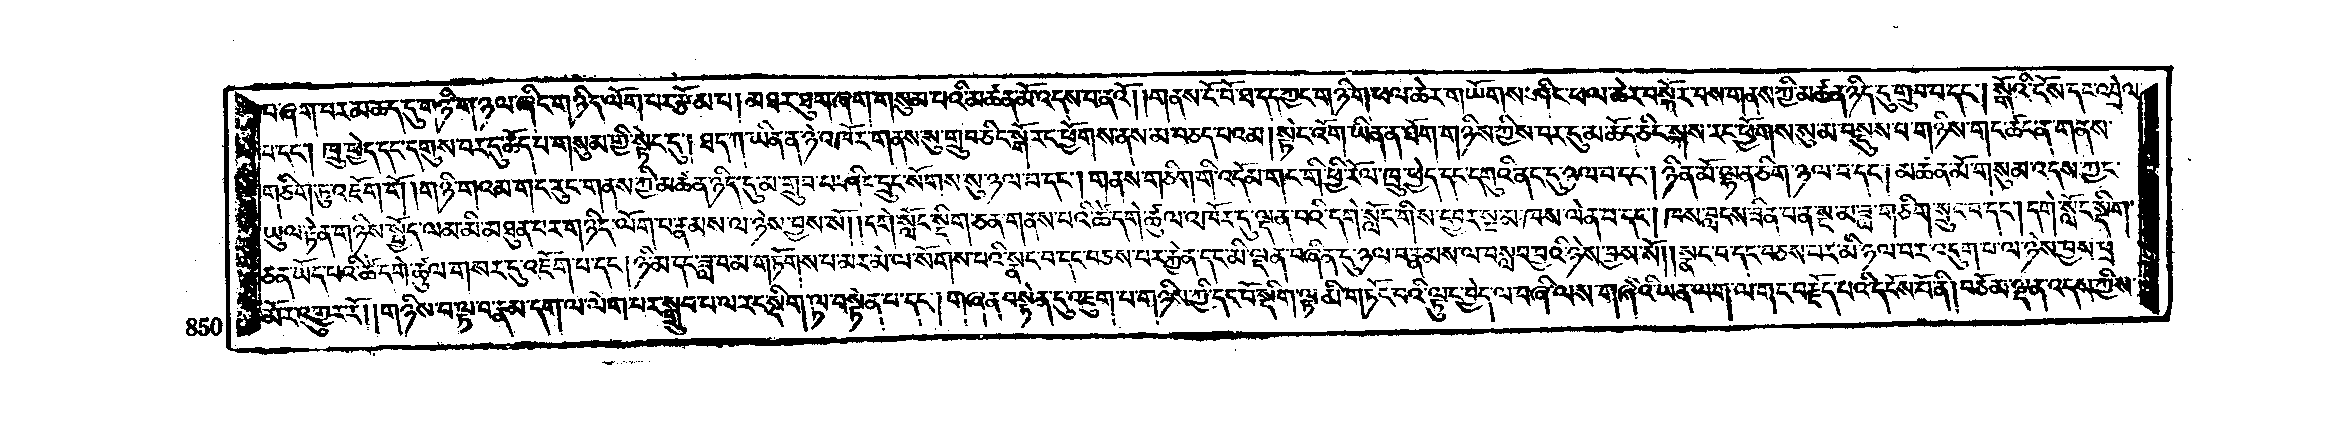བ་ཞག་པར་མ་ཆད་དུ་གཉི་ག་ཉལ་ཞིང་གཉིད་ལོག་པར་རྩོམ་པ། མཐར་ཐུག་ཞག་གསུམ་པའི་མཚན་མོ་འདས་པ་ནའོ། །གནས་ངོ་བོ་ཐ་དད་ཀྱང་གཉི་ག་ཕལ་ཆེར་གཡོགས་ཤིང་ཕལ་ཆེར་བསྐོར་བས་གནས་ཀྱི་མཚན་ཉིད་དུ་གྲུབ་པ་དང་། སྒོའི་ངོས་དང་འབྲེལ་
པ་དང་། ཁྲུ་ཕྱེད་དང་དགུས་བར་དུ་ཆོད་པ་གསུམ་གྱི་སྟེང་དུ། ཐད་ཀ་ཡིན་ན་ཉེ་འཁོར་གནས་སུ་གྲུབ་ཅིང་སྒོ་རང་ཕྱོགས་ནས་མ་བཅད་པའམ། སྟེང་འོག་ཡིན་ན་ཐོག་གཉིས་ཀྱིས་བར་དུ་མ་ཆོད་ཅིང་སྐས་རང་ཕྱོགས་སུ་མ་བསྡུས་པ་གཉིས་གང་ཚང་ན་གནས་
གཅིག་ཏུ་འཇོག་གོ །གཉི་གའམ་གང་རུང་གནས་ཀྱི་མཚན་ཉིད་དུ་མ་གྲུབ་པ་ཤིང་དྲུང་སོགས་སུ་ཉལ་བ་དང་། གནས་གཅིག་གི་འདོམ་གང་གི་ཕྱི་རོལ་ཁྲུ་ཕྱེད་དང་དགུའི་ནང་དུ་ཉལ་བ་དང་། ཉིན་མོ་ལྷན་ཅིག་ཉལ་བ་དང་། མཚན་མོ་གསུམ་འདས་ཀྱང་
ཡུལ་རྟེན་གཉིས་སྤྱོད་ལམ་མི་མཐུན་པར་གཉིད་ལོག་པ་རྣམས་ལ་ཉེས་བྱས་སོ། །དགེ་སློང་སྡིག་ཅན་གནས་པའི་ཚེ་དགེ་ཚུལ་འཁོར་དུ་ལྡན་པའི་དགེ་སློང་གིས་དབྱར་སྔ་མ་ཁས་ལེན་པ་དང་། ཁས་བླངས་ཟིན་པ་ན་སྔ་མ་ཟླ་གཅིག་སྲུང་བ་དང་། དགེ་སློང་སྡིག་
ཅན་ཡོད་པའི་ཚེ་དགེ་ཚུལ་གསར་དུ་འཇོག་པ་དང་། ཉི་མ་དང་ཟླ་བ་མ་གཏོགས་པ་མར་མེ་ལ་སོགས་པའི་སྣང་བ་དང་བཅས་པར་རྐྱེན་དང་མི་ལྡན་བཞིན་དུ་ཉལ་བ་རྣམས་ལ་བསླབ་བྱའི་ཉེས་བྱས་སོ། །སྣང་བ་དང་བཅས་པར་མི་ཉལ་བར་འདུག་པ་ལ་ཉེས་བྱས་ཕྲ་
མོར་འགྱུར་རོ། །གཉིས་བ་ལྟ་བ་རྣམ་དག་ལ་ལོག་པར་སྒྲུབ་པ་ལ་རང་སྡིག་ལྟ་བསྟེན་པ་དང་། གཞན་བསྟེན་དུ་འཇུག་པ་གཉིས་ཀྱི་དང་པོ་སྡིག་ལྟ་མི་གཏོང་བའི་ལྟུང་བྱེད་ལ་བཞི་ལས་གཞིའི་ཡན་ལག་ལ་གང་བརྗོད་པའི་དངོས་པོ་ནི། བཅོམ་ལྡན་འདས་ཀྱིས་